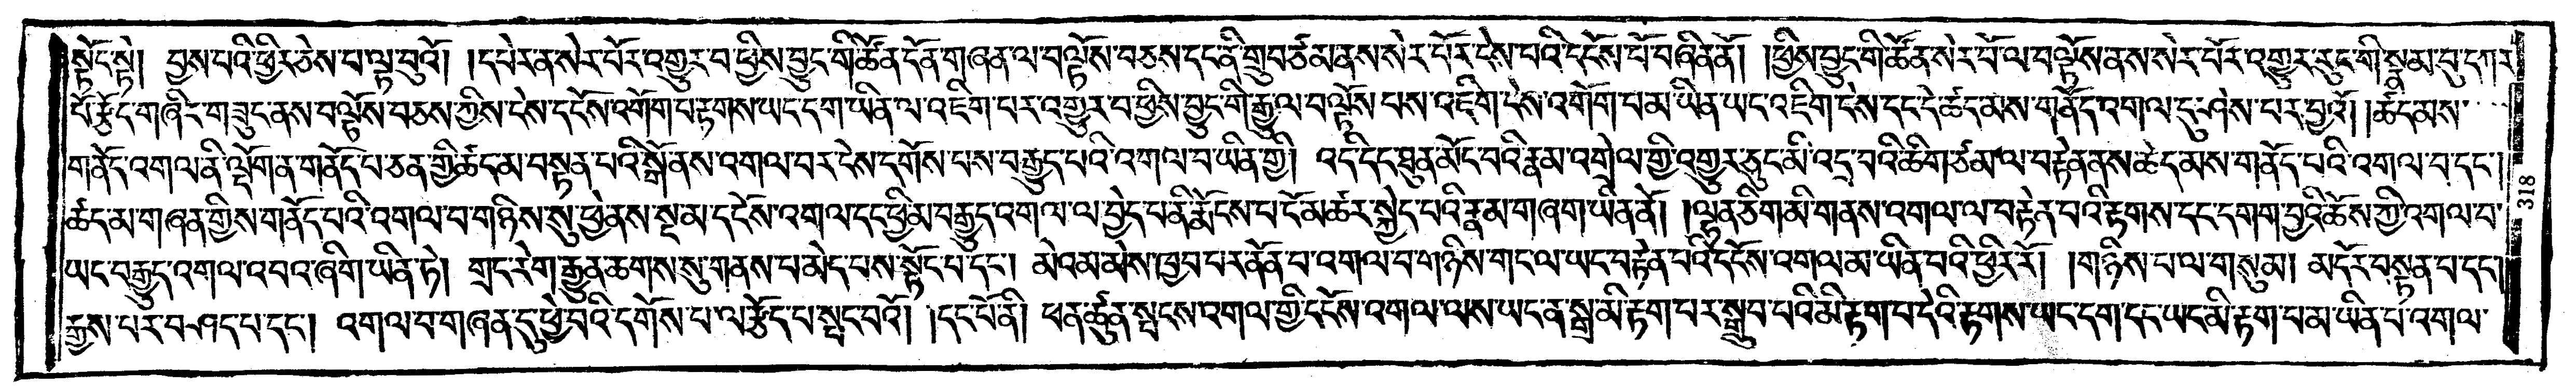སྟོང་སྟེ། བྱས་པའི་ཕྱིར་ཅེས་པ་ལྟ་བུའོ། །དཔེར་ན་སེར་པོར་འགྱུར་བ་ཕྱིས་བྱུང་གི་ཚོན་དོན་གཞན་ལ་བལྟོས་བཅས་དང་ནི་གྲུབ་ཙམ་ནས་སེར་པོར་ངེས་པའི་དངོས་པོ་བཞིན་ནོ། །ཕྱིས་བྱུང་གི་ཚོན་སེར་པོ་ལ་བལྟོས་ནས་སེར་པོར་འགྱུར་རུང་གི་སྣམ་བུ་དཀར་
པོ་རྩོད་གཞིང་གཟུང་ནས་བལྟོས་བཅས་ཀྱིས་ངེས་དངོས་འགོག་པ་རྟགས་ཡང་དག་ཡིན་ལ་འཇིག་པར་འགྱུར་བ་ཕྱིས་བྱུང་གི་རྒྱུ་ལ་བལྟོས་པས་འཇིག་ངེས་འགོག་པ་མ་ཡིན་ཡང་འཇིག་ངེས་དང་དེ་ཚད་མས་གནོད་འགལ་དུ་ཤེས་པར་བྱའོ། །ཚད་མས་
གནོད་འགལ་ནི་ལྡོག་ན་གནོད་པ་ཅན་གྱི་ཚད་མ་བསྟན་པའི་སྒོ་ནས་འགལ་བར་ངེས་དགོས་པས་བརྒྱུད་པའི་འགལ་བ་ཡིན་གྱི། འདི་དང་ཐུན་མོང་བའི་རྣམ་འགྲེལ་གྱི་འགྱུར་ཅུང་མི་འདྲ་བའི་ཚིག་ཙམ་ལ་བརྟེན་ནས་ཆེད་མས་གནོད་པའི་འགལ་བ་དང་།
ཚད་མ་གཞན་གྱིས་གནོད་པའི་འགལ་བ་གཉིས་སུ་ཕྱེ་ནས་སྔ་མ་དངོས་འགལ་དང་ཕྱི་མ་བརྒྱུད་འགལ་ལ་བྱེད་པ་ནི་རྨོངས་པ་ངོ་མཚར་སྐྱེད་པའི་རྣམ་གཞག་ཡིན་ནོ། །ལྷན་ཅིག་མི་གནས་འགལ་ལ་བརྟེན་པའི་རྟགས་དང་དགག་བྱའི་ཆོས་ཀྱི་འགལ་བ་
ཡང་བརྒྱུད་འགལ་འབའ་ཞིག་ཡིན་ཏེ། གྲང་རེག་རྒྱུན་ཆགས་སུ་གནས་པ་མེད་པས་སྟོང་པ་དང་། མེའམ་མེས་ཁྱབ་པར་ནོན་པ་འགལ་བ་གཉིས་གང་ལ་ཡང་བརྟེན་པའི་དངོས་འགལ་མ་ཡིན་པའི་ཕྱིར་རོ། །གཉིས་པ་ལ་གསུམ། མདོར་བསྟན་པ་དང་།
རྒྱས་པར་བཤད་པ་དང་། འགལ་བ་གཞན་དུ་ཕྱེ་བའི་དགོས་པ་ལ་རྩོད་པ་སྤང་བའོ། །དང་པོ་ནི། ཕན་ཚུན་སྤངས་འགལ་གྱི་དངོས་འགལ་ལས་ཡང་ན་སྒྲ་མི་རྟག་པར་སྒྲུབ་པའི་མི་རྟག་པ་དེའི་རྟག་ཡང་དག་དང་ཡང་མི་རྟག་པ་མ་ཡིན་པ་འགལ་